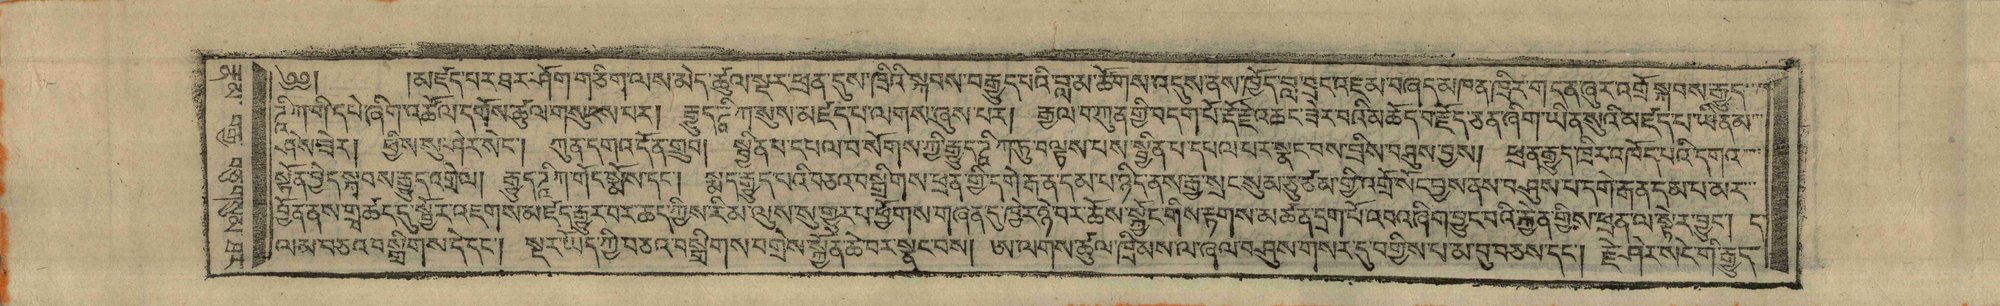༄༅། །མཛད་པར་ཐར་ཤོག་གཅིག་ལས་མེད་ཚུལ་སྔར་ཕྲན་དུས་ཁྲིའི་སྐབས་བརྒྱུད་པའི་བླ་མ་ཚོགས་འདུས་ནས་ཁྱོད་བླ་བྲང་འཇམ་བཞད་མཁན་ཁྲིར་གདན་ཞུར་འགྲོ་སྐབས་རྒྱུད་
ཌཱིཀ་གི་དཔེ་ཞིག་འཚོལ་དགོས་ཚུལ་གསུངས་པར། རྒྱུད་ཌཱིཀ་སུས་མཛད་པ་ལགས་ཞུས་པར། རྒྱལ་བ་ཀུན་གྱི་བདག་པོ་རྡོ་རྗེ་འཆང་ཟེར་བའི་མཆོད་བརྗོད་ཅན་ཞིག་ཡིན་སུའི་མཛད་པ་ཡིན་མ་
ཤེས་ཟེར། ཕྱིས་སུ་ཤེར་སེང་། ཀུན་དགའ་དོན་གྲུབ། སྦྱིན་པ་དཔལ་བ་སོགས་ཀྱི་རྒྱུད་ཌཱིཀ་ཏུ་བལྟས་པས་སྦྱིན་པ་དཔལ་པར་སྣང་བས་བྲིས་བཤུས་བྱས། ཕྲན་རྒྱུད་ཁྲིར་འཁོད་པའི་དགའ་
སྟོན་བྱེད་སྐབས་རྒྱུད་འགྲེལ། རྒྱུད་ཌཱིཀ་གོང་སྨོས་དང་། སྨད་རྒྱུད་པའི་བཅའ་བསྒྲིགས་ཕྲན་གྱི་དགེ་རྒན་དམ་པ་ཉིད་ནས་རྒྱ་སྲང་སུམ་ཅུ་ཙམ་གྱི་འགྲོ་སོང་བྱས་ནས་བཤུས་པ་དགེ་རྒན་དམ་པ་མར་
བྱོན་ནས་གྲྭ་ཚང་དུ་སྦྱོར་འཇགས་མཛད་རྒྱུར་བར་ཆད་ཀྱིས་རིམ་ལུས་སུ་གྱུར་པ་ཕྱོགས་གཞན་དུ་ཁྱེར་ཉེ་བར་ཆོས་སྐྱོང་གིས་རྟགས་མཚན་དྲག་པོ་འབའ་ཞིག་བྱུང་བའི་རྐྱེན་གྱིས་ཕྲན་ལ་སྟེར་བྱུང་། ད་
ལམ་བཅའ་བསྒྲིགས་དེ་དང་། སྔར་ཡོད་ཀྱི་བཅའ་བསྒྲིགས་བགྲེས་སྐྱོན་ཆེ་བར་སྣང་བས། ཨ་ལགས་ཚུལ་ཁྲིམས་ལ་ཞལ་བཤུས་གསར་དུ་བགྱིས་པ་མ་བུ་བཅས་དང་། རྗེ་ཤེར་སེང་གི་རྒྱུད་